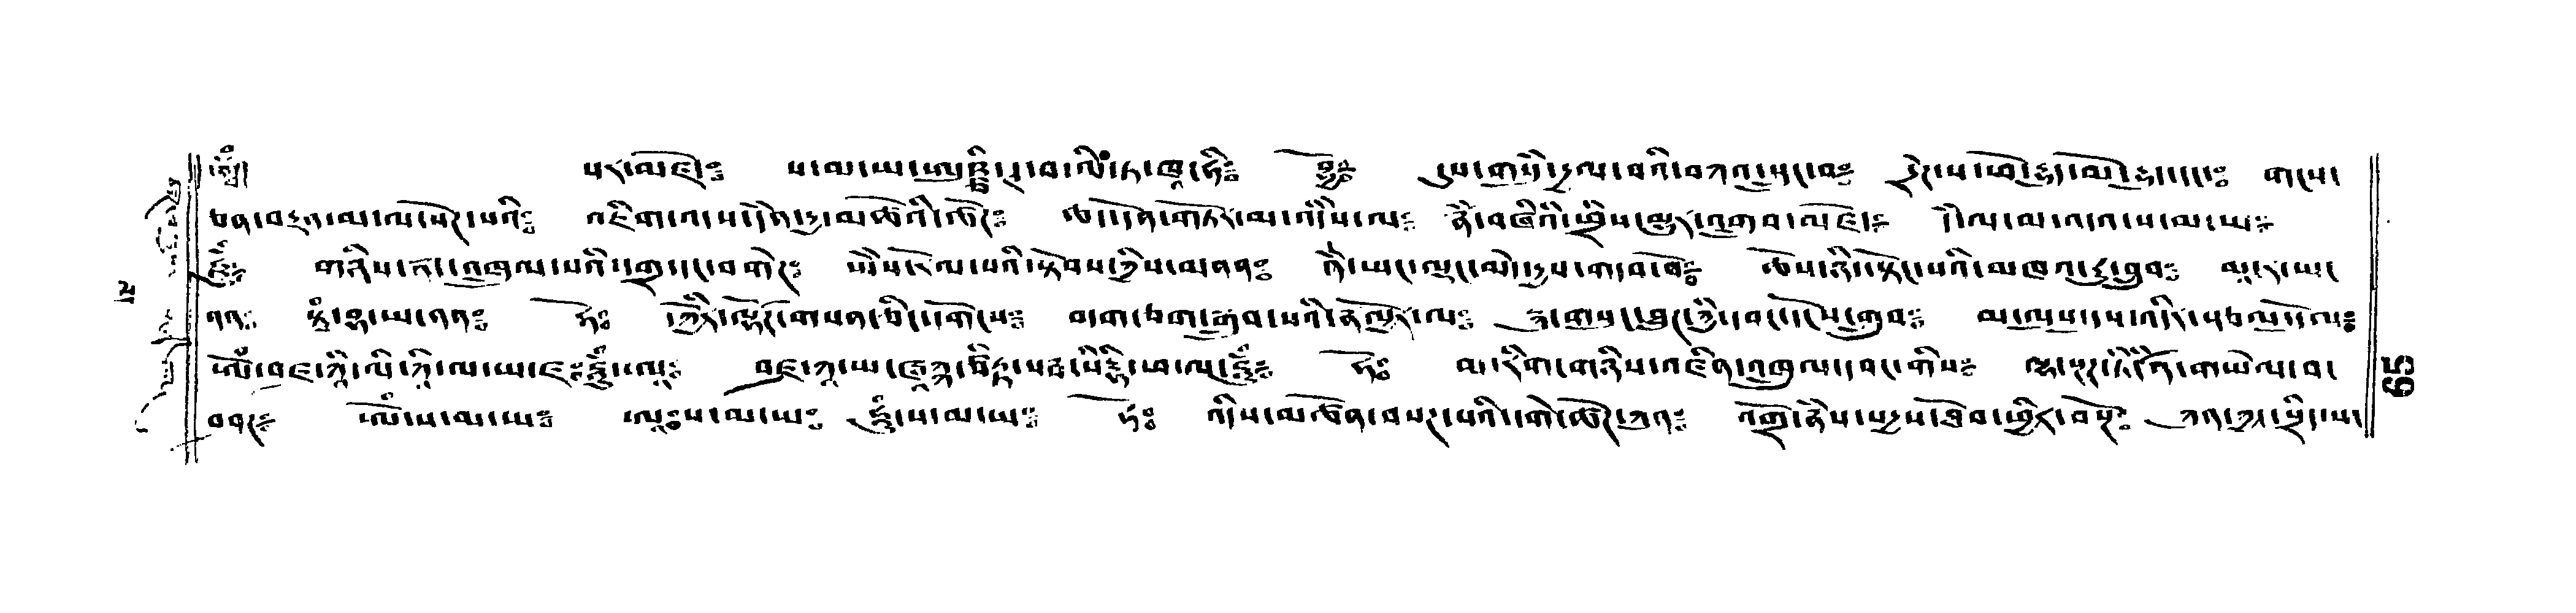པར་མཛོད༔ ས་མ་ཡ་ཨུཙྪིར་ཊ་བ་ལིཾ་ཏ་ཁཱ་ཧིཿ བྷྱོ༔ དུས་གསུམ་རྒྱལ་བའི་བཀའ་སྲུང་བ༔ དྲེགས་པ་ཕོ་རྒྱུད་མོ་རྒྱུད་དང༔ གངས་
ཅན་བརྟན་མ་ལ་སོགས་པའི༔ འཇིག་འདས་དམ་ཅན་རྒྱ་མཚོའི་ཚོགས༔ ཆད་དོན་གཏོར་མ་འདི་ཤེས་ལ༔ རྣམ་བཞིའི་ཕྲིན་ལས་མྱུར་འགྲུབ་མཛོད༔ དམ་ལ་མ་འདའ་ས་མ་ཡ༔ 
ཧཱུྃ༔ གཉིས་སྣང་འཁྲུལ་པའི་དགྲ་དང་བགེགས༔ ཡེ་ཤེས་རོལ་པའི་སྟོབས་ཀྱིས་མནན༔ ནམ་ཡང་ལྡང་མེད་རྒྱས་གདབ་བོ༔ ཆོས་ཉིད་སྟོང་པའི་མཁའ་རུ་བྲུབ༔ མཱ་ར་ཡ་
ནན༔ སྟྭཾ་བྷ་ཡ་ནན༔ ཧོཿ དཀྱིལ་འཁོར་ལྷ་ཚོགས་གསན་ཅིག་དགོངས༔ བདག་ཅག་སྒྲུབ་པའི་རྣལ་འབྱོར་ལ༔ སྐུ་གསུང་ཐུགས་ཀྱི་དབང་དངོས་གྲུབ༔ མ་ལུས་དུས་འདིར་བསྩལ་དུ་གསོལ༔ 
ཨོཾ་བཛྲ་ཀཱི་ལི་ཀཱི་ལ་ཡ་ཛཿཧཱུྃ་ཨཱཿ བཛྲ་ཀཱ་ཡ་ཝཱཀྐ་ཙིཏྟ་སརྦ་སིདྡྷི་ཕ་ལ་ཧཱུྃ༔ ཧོཿ མ་རིག་གཉིས་འཛིན་འཁྲུལ་དབང་གིས༔ ལྷ་སྔགས་ཏིང་འཛིན་གཡེལ་བ་
བཤགས༔ ཨོཾ་ས་མ་ཡ༔ ཨཱཿས་མ་ཡ༔ ཧཱུྃ་ས་མ་ཡ༔ ཧོཿ འདིས་མཚོན་བསགས་པའི་དགེ་ཚོགས་ཀུན༔ འགྲོ་རྣམས་སངས་རྒྱས་ཐོབ་ཕྱིར་བསྔོཿ ཀུན་ཀྱང་སྲིད་པ་